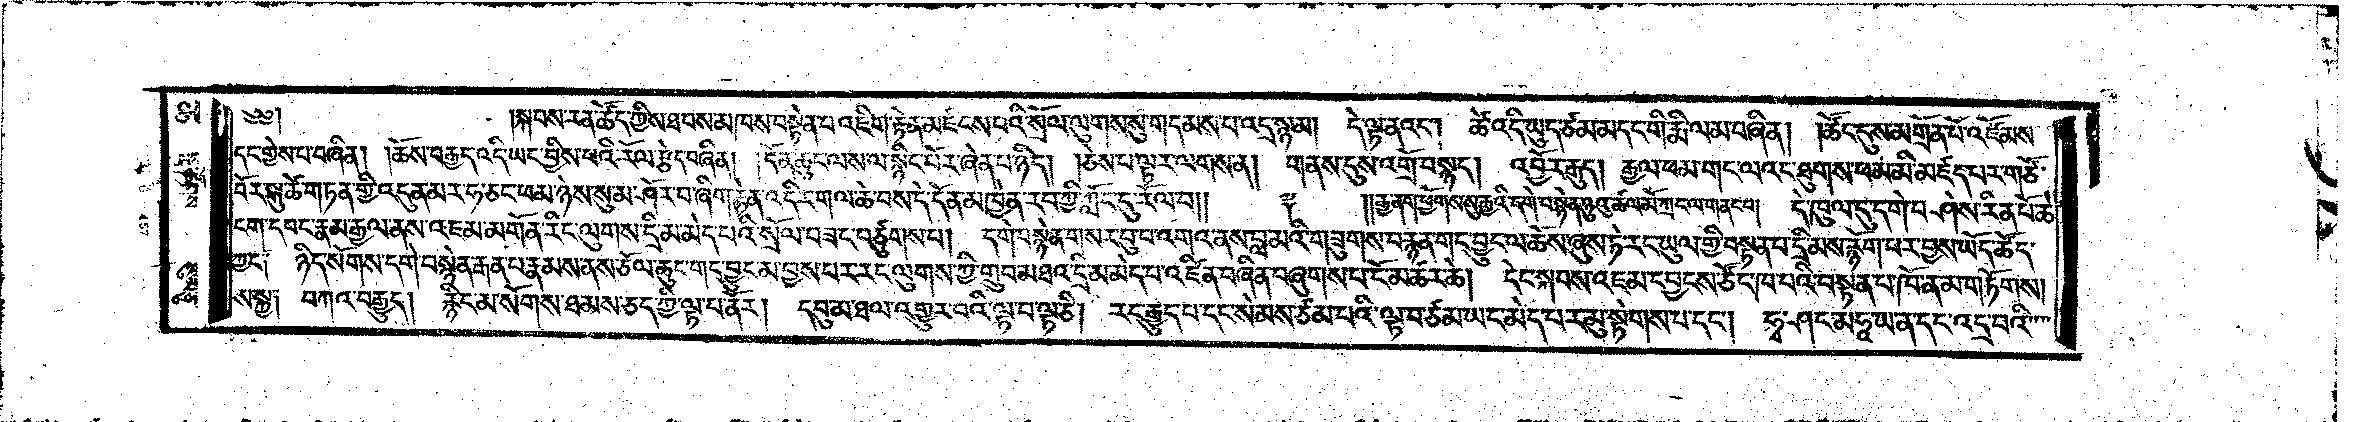༄༅། །སྐབས་རན་ཚོད་ཀྱིས་ཐབས་མཁས་བསྟེན་པ་འཇིག་རྟེན་མཛངས་པའི་སྲོལ་ལུགས་སུ་གདམས་པ་འདྲ་སྙམ། དེ་ལྟ་ནའང་། ཚེ་འདི་ཡུད་ཙམ་མདང་གི་རྨི་ལམ་བཞིན། །ཚོང་དུས་མགྲོན་པོ་འཛོམས་
དང་གྱེས་པ་བཞིན། །ཆོས་བརྒྱད་འདི་ཡང་བྱིས་པའི་རོལ་རྩེད་བཞིན། །དོན་ཆུང་ལས་ལ་སྙིང་པོར་ཞེན་པ་ཉིད། །ཅེས་པ་ལྟར་ལགས་ན། གནས་དུས་འགྲོ་བསྙད། འབྱོར་རྒུད། རྒྱལ་ཕམ་གང་ལའང་ཐུགས་ཕམ་མི་མཛད་པར་གཙོ་
བོར་སྐུ་ཚེ་གཏན་གྱི་འདུན་མར་ཧ་ཅང་ཕམ་ཉེས་སུ་མ་ཤོར་བ་ཞིག་རྟེན་འདིར་གལ་ཆེ་བས་དེ་དོན་མཁྱེན་རབ་ཀྱི་ཀློང་དུ་རོལ་བ།། ༈ །།རྒྱ་ནག་ཕྱོགས་སུ་རྒྱའི་དགེ་བསྙེན་ཉུའུ་ཚལ་མོ་ཀྲ་ངལ་གནང་བ།  དེ་ཁུལ་དུ་དགེ་བ་ཤེས་རིན་པོ་ཆེ་
ངག་དབང་རྣམ་རྒྱལ་ནས་འཇམ་མགོན་རིང་ལུགས་དྲི་མ་མེད་པའི་སྲོལ་བཟང་བཙུགས་པ། དགེ་བསྙེན་གསར་བུ་བ་འགའ་ནས་བླ་མའི་གཟུགས་བརྙན་གང་བྱུང་ལ་ཆོས་ཞུས་ཏེ་རང་ཡུལ་གྱི་བསྟན་པ་དྲི་མས་རྙོག་པར་བྱས་ཡོད་ཚོད་
ཀྱང༑ ཉིད་སོགས་དགེ་བསྙེན་རྒན་པ་རྣམས་ནས་ཅོལ་ཆུང་གང་བྱུང་མ་བྱས་པར་རང་ལུགས་ཀྱི་གྲུབ་མཐའ་དྲི་མ་མེད་པ་འཛིན་བཞིན་བཞུགས་པ་ངོ་མཚར་ཆེ། དེང་སྐབས་འཇམ་དབྱངས་ཙོང་ཁ་པའི་བསྟན་པ་ཁོ་ན་མ་གཏོགས།
ས་སྐྱ༑ བཀའ་བརྒྱུད། རྙིང་མ་སོགས་ཐམས་ཅད་ཀྱི་ལྟ་པ་ནོར། དབུ་མ་ཐལ་འགྱུར་བའི་ལྟ་བ་ལྟ་ཅི། རང་རྒྱུད་པ་དང་སེམས་ཙམ་པའི་ལྟ་བ་ཙམ་ཡང་མེད་པར་མུ་སྟེགས་པ་དང་། ཧྭ་ཤང་མཧཱ་ཡ་ན་དང་འདྲ་བའི་